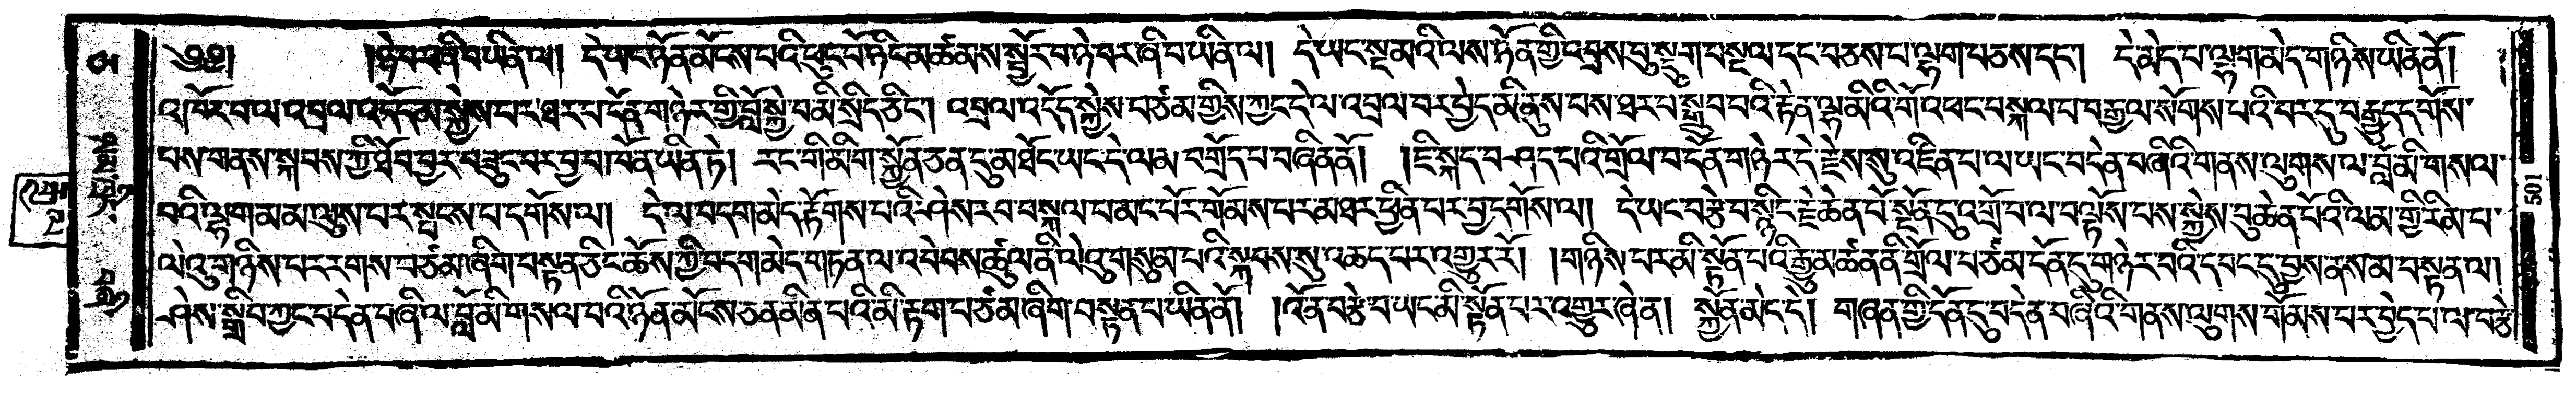༄༅། །ཉེ་བར་ཞི་བ་ཡིན་ལ། དེ་ཡང་ཉོན་མོངས་པའི་ཕུང་པོ་ཉིང་མཚམས་སྦྱོར་བ་ཉེ་བར་ཞི་བ་ཡིན་ལ། དེ་ཡང་སྔ་མའི་ལས་ཉོན་གྱི་འབྲས་བུ་སྡུག་བསྔལ་དང་བཅས་པ་ལྷག་བཅས་དང་། དེ་མེད་པ་ལྷག་མེད་གཉིས་ཡིན་ནོ། །
འཁོར་བ་ལ་འབྲལ་འདོད་མ་སྐྱེས་པར་ཐར་པ་དོན་གཉེར་གྱི་བློ་སྐྱེ་བ་མི་སྲིད་ཅིང་། འབྲལ་འདོད་སྐྱེས་པ་ཙམ་གྱིས་ཀྱང་དེ་ལ་འབྲལ་བར་བྱེད་མི་ནུས་པས་ཐར་པ་སྒྲུབ་པའི་རྟེན་ལྷ་མིའི་གོ་འཕང་བསྐལ་པ་བརྒྱ་ལ་སོགས་པའི་བར་དུ་བརྒྱུད་དགོས་
པས་གནས་སྐབས་ཀྱི་ཐོབ་བྱར་བཟུང་བར་བྱ་བ་ཁོ་ན་ཡིན་ཏེ། རང་གི་མིག་སྐྱོན་ཅན་དུ་མཐོང་ཡང་དེ་ལམ་བགྲོད་པ་བཞིན་ནོ། །ཇི་སྐད་བཤད་པའི་གྲོལ་བ་དོན་གཉེར་དེ་རྗེས་སུ་འཛིན་པ་ལ་ཡང་བདེན་བཞིའི་གནས་ལུགས་ལ་བློ་མི་གསལ་
བའི་ལྷག་མ་མ་ལུས་པར་སྤངས་པ་དགོས་ལ། དེ་ལ་བདག་མེད་རྟོགས་པའི་ཤེས་རབ་བསྐལ་པ་མང་པོར་གོམས་པར་མཐར་ཕྱིན་པར་བྱ་དགོས་ལ། དེ་ཡང་བརྩེ་བ་སྙིང་རྗེ་ཆེན་པོ་སྔོན་དུ་འགྲོ་བ་ལ་བལྟོས་པས་སྐྱེས་བུ་ཆེན་པོའི་ལམ་གྱི་རིམ་པ་
ལེའུ་གཉིས་པར་རགས་པ་ཙམ་ཞིག་བསྟན་ཅིང་ཆོས་ཀྱི་བདག་མེད་གཏན་ལ་འབེབས་ཚུལ་ནི་ལེའུ་གསུམ་པའི་སྐབས་སུ་འཆད་པར་འགྱུར་རོ། །གཉིས་པར་མི་སྟོན་པའི་རྒྱུ་མཚན་ནི་གྲོལ་པ་ཙམ་དོན་དུ་གཉེར་བའི་དབང་དུ་བྱས་ནས་མ་བསྟན་ལ།
ཤེས་སྒྲིབ་ཀྱང་བདེན་བཞི་ལ་བློ་མི་གསལ་བའི་ཉོན་མོངས་ཅན་མིན་པའི་མི་རྟག་པ་ཙམ་ཞིག་བསྟན་པ་ཡིན་ནོ། །འོ་ན་བརྩེ་བ་ཡང་མི་སྟོན་པར་འགྱུར་ཞེ་ན། སྐྱོན་མེད་དེ། གཞན་གྱི་དོན་དུ་བདེན་བཞིའི་གནས་ལུགས་གོམས་པར་བྱེད་པ་ལ་བརྩེ་